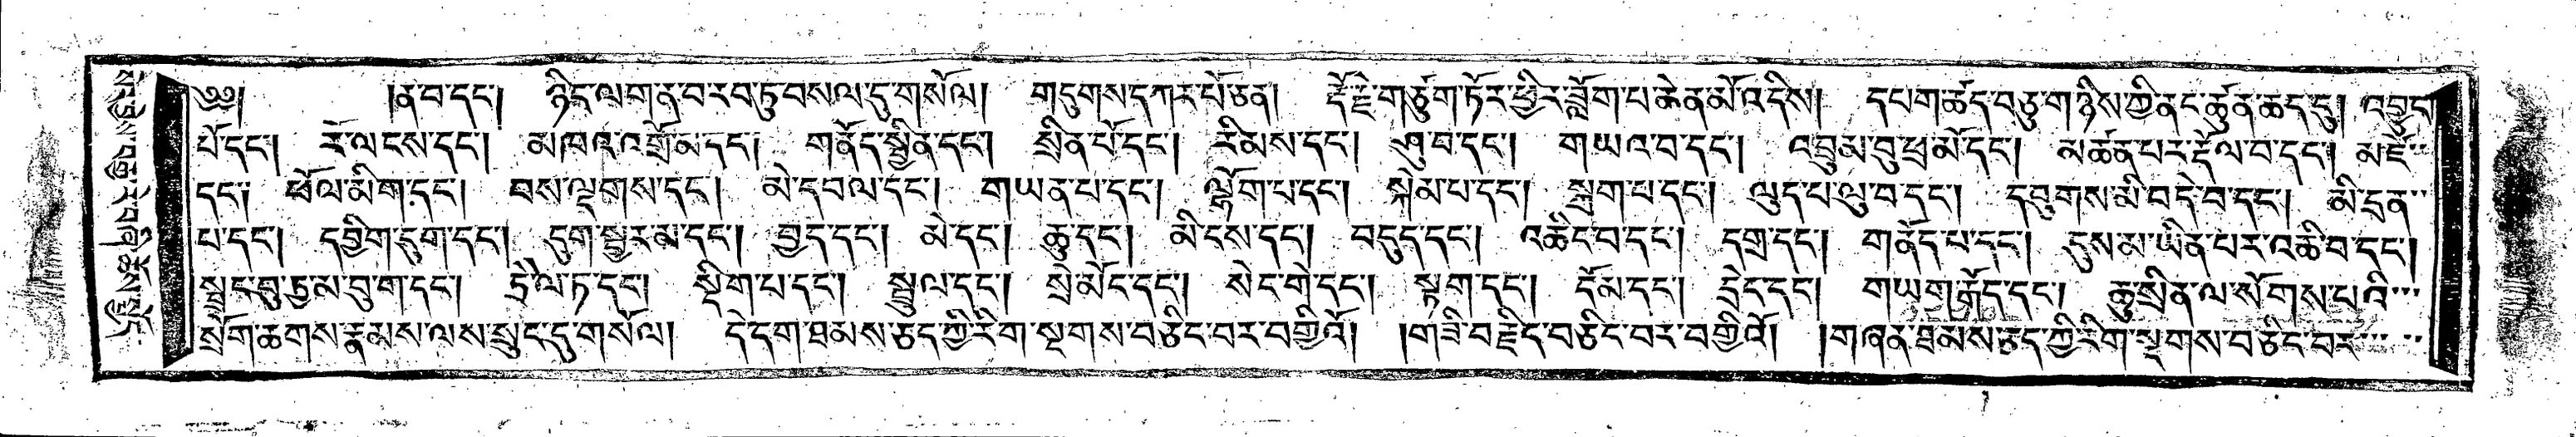༄༅། །ན་བ་དང་། ཉིད་ལག་ན་བ་རབ་ཏུ་བསལ་དུ་གསོལ། གདུགས་དཀར་པོ་ཅན། རྡོ་རྗེ་གཙུག་ཏོར་ཕྱིར་ཟློག་པ་ཆེན་མོ་འདིས། དཔག་ཚད་བཅུ་གཉིས་ཀྱི་ནང་ཚུན་ཆད་དུ། འབྱུང་
པོ་དང་། རོ་ལངས་དང་། མཁའ་འགྲོ་མ་དང་། གནོད་སྦྱིན་དང་། སྲིན་པོ་དང་། རིམས་དང་། ཤུ་བ་དང་། གཡའ་བ་དང་། འབྲུམ་བུ་ཕྲ་མོ་དང་། མཚན་པར་རྡོལ་བ་དང་། མཛེ་
དང༑ ཕོལ་མིག་དང་། བས་ལྡགས་དང་། མེ་དབལ་དང་། གཡན་པ་དང་། ལྷོག་པ་དང་། སྐེམ་པ་དང་། སྐྲག་པ་དང་། ལུད་པ་ལུ་བ་དང་། དབུགས་མི་བདེ་བ་དང་། མི་དྲན་
པ་དང་། དབྱིག་དུག་དང་། དུག་སྦྱར་མ་དང་། བྱད་དང་། མེ་དང་། ཆུ་དང་། མི་ངས་དང་། བདུད་དང་། འཆིང་བ་དང་། དགྲ་དང་། གནོད་པ་དང་། དུས་མ་ཡིན་པར་འཆི་བ་དང་།
སྦྲང་བུ་ཏྱ་མ་བུ་ག་དང་། ཏྲཻ་ལ་ཏ་དང་། སྡིག་པ་དང་། སྦྲུལ་དང་། སྲེ་མོང་དང་། སེང་གེ་དང་། སྟག་དང་། དོམ་དང་། དྲེང་དང་། གཡག་རྒོད་དང་། ཆུ་སྲིན་ལ་སོགས་པའི་
སྲོག་ཆགས་རྣམས་ལས་སྲུང་དུ་གསོལ། དེ་དག་ཐམས་ཅད་ཀྱི་རིག་སྔགས་བཅིང་བར་བགྱིའོ། །གཟི་བརྗིད་བཅིང་བར་བགྱིའོ། །གཞན་ཐམས་ཅད་ཀྱི་རིག་སྔགས་བཅིང་བར་